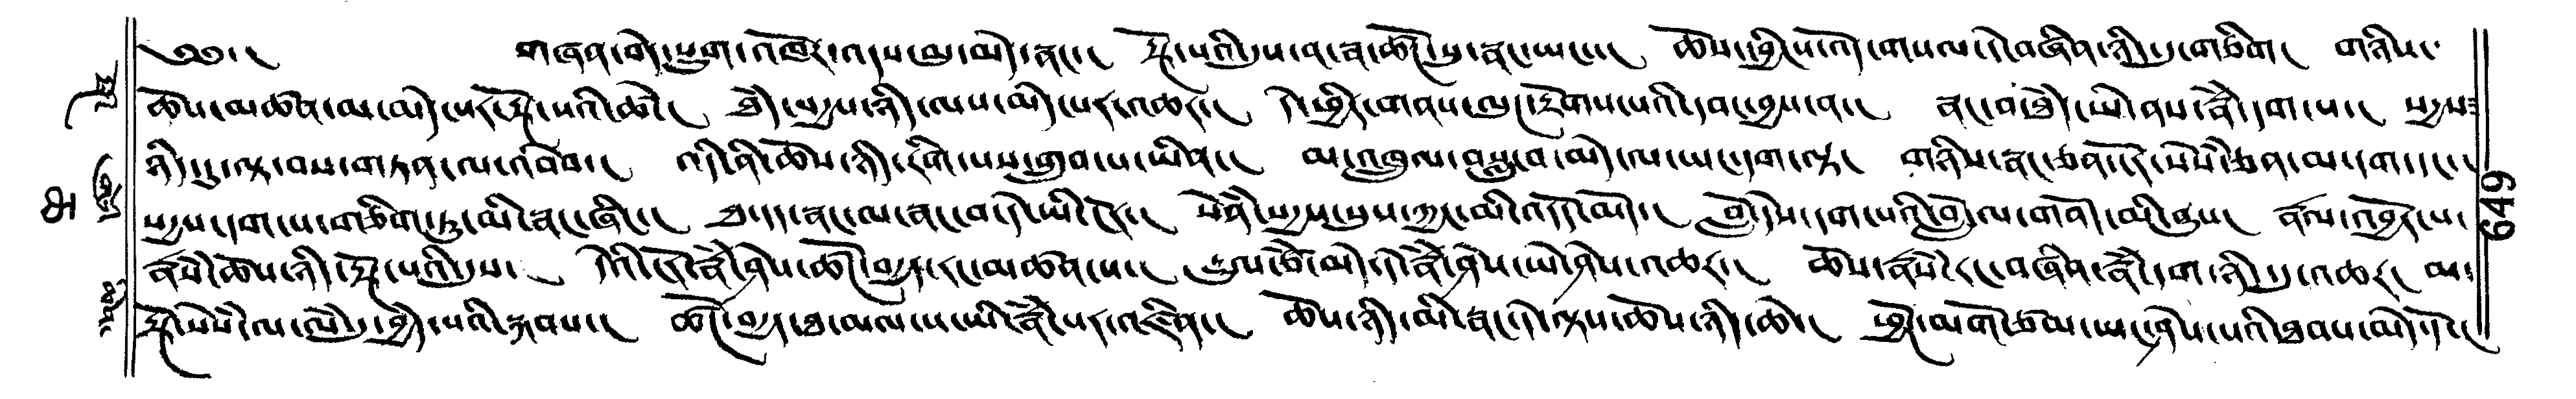གཞན་བདེ་སྡུག་འཁོར་འདས་མུ་མེད་སྣང་། །རྟོགས་པའི་དུས་ན་སྣ་ཚོགས་སུ་སྣང་ཡང་། །ཆོས་དབྱིངས་འོད་གསལ་དེ་བཞིན་ཉིད་དུ་གཅིག གཉིས་
ཆོས་མཚན་མ་མེད་པར་རྟོགས་པའི་ཚེ། །ཐམས་ཅད་སངས་རྒྱས་ཉིད་ལས་མེད་པར་འཆར། །དེ་ཕྱིར་གནས་ལུགས་རྟོགས་པའི་དབང་བྱས་ན། །སྣང་བ་ཐམས་ཅད་ཡེ་ནས་རྣམ་དག་པ། །སངས་རྒྱས་
ཉིད་དུ་ལྟ་བས་གཏན་ལ་འབེབས། །འདི་ནི་ཆོས་ཉིད་རིགས་པས་གྲུབ་པ་ཡིན། །མ་འཁྲུལ་བསླུ་བ་མེད་ལ་ཡང་དག་ལྟ། །གཉིས་སྣང་ཅན་ངོར་སེམས་ཅན་མ་དག་དང་། །
སངས་རྒྱས་དག་པ་གཅིག་ཏུ་མི་སྣང་ཞིང་། །ཐ་དད་སྣང་ལ་སྣང་བ་དེ་ཡི་ངོར། །སེམས་ཅན་སངས་རྒྱས་སུས་ཀྱང་མི་འདོད་མོད། །བློ་དེས་དག་པའི་བློ་ལ་གནོད་མི་ནུས། །རྣལ་འབྱོར་པ་
རྣམས་ཆོས་ཉིད་རྟོགས་པའི་དུས། །དེའི་ངོར་རྣམ་ཤེས་ཚོགས་བརྒྱད་རང་མཚན་པ། །རྡུལ་ཙམ་མེད་དེ་རྣམ་ཤེས་ཡེ་ཤེས་འཆར། །ཆོས་རྣམས་རང་བཞིན་རྣམ་དག་ཉིད་དུ་འཆར། །མ་
རྟོགས་སེམས་ལ་ལམ་དུ་བྱེད་པའི་སྐབས། །ཚོགས་བརྒྱད་ཐ་མལ་པ་ཡི་རྣམ་པར་འཛིན། །ཆོས་ཉིད་མི་སྣང་དེ་ལྟས་ཆོས་ཉིད་ཆེ། །ཕྱོགས་མགོ་ཙམ་ཡང་ཤེས་པའི་ཐབས་མེད་དོ།